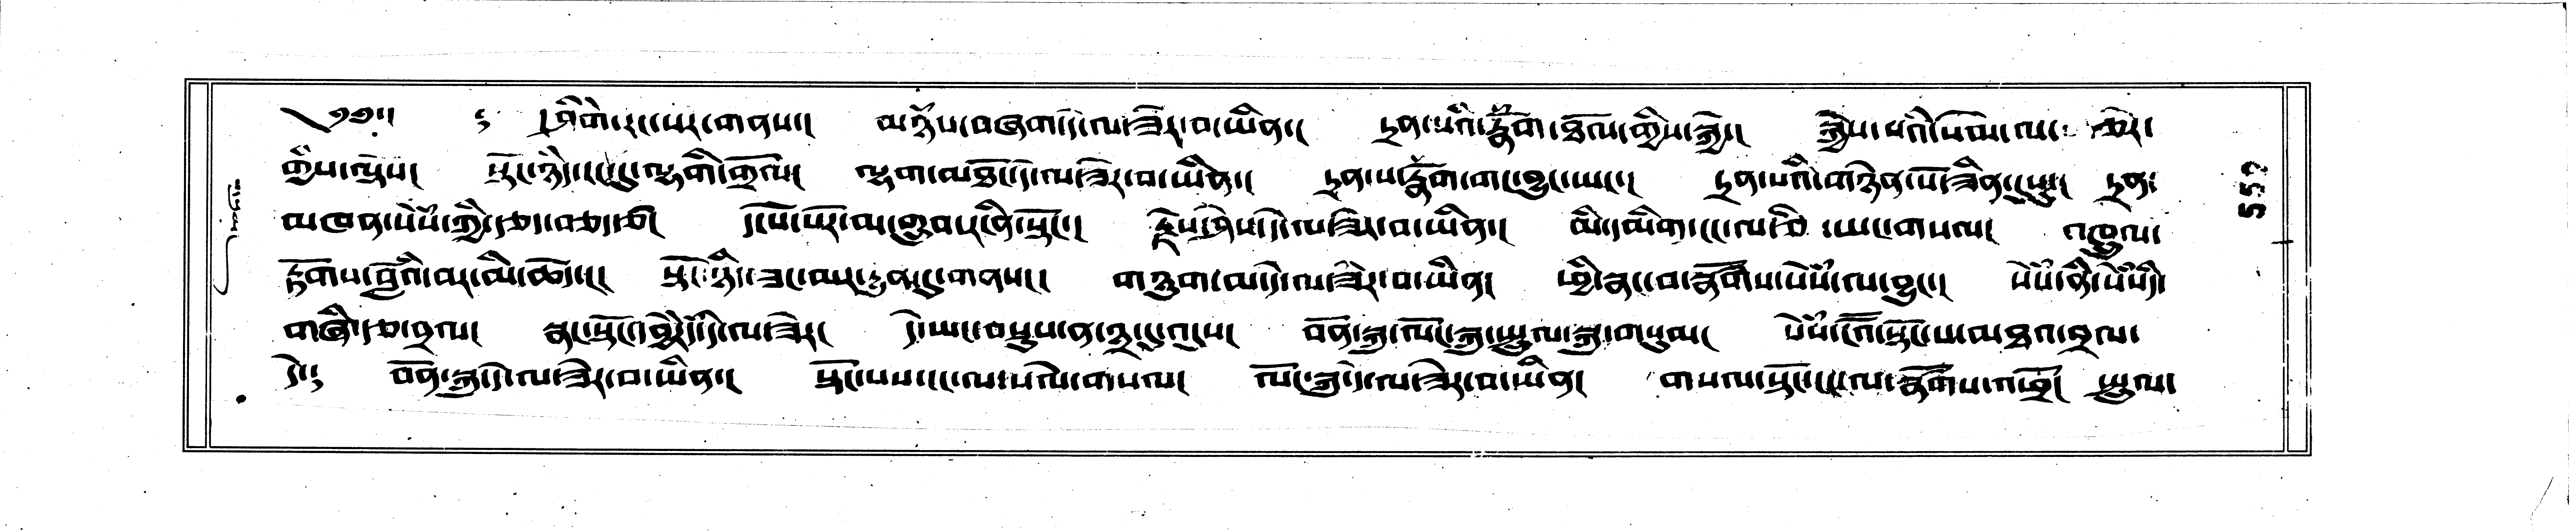ཤིག་གེ་རང་སར་གནས། མཉམ་བཞག་དེ་ལ་ཟེར་བ་ཡིན། དྲན་པས་རྣམ་རྟོག་ཐོལ་གྱི་སྐྱེས། སྐྱེས་པའི་སེམས་ལ་གཅེར་
གྱི་ལྟོས། སྟོང་ཉིད་ངང་དུ་ལྷག་གིས་གྲོལ། ལྷག་མཐོང་དེ་ལ་ཟེར་བ་ཡིན། དྲན་པ་རྣམ་རྟོག་གང་བྱུང་ཡང་། དྲན་པའི་གཉེན་པོ་ཟིན་དུས་སུ། དྲན་
མཁན་སེམས་ཀྱི་རྩད་བཅད་ཙམ། དངོས་པོར་མ་གྲུབ་རང་བཞིན་སྟོང་། རྗེས་ཤེས་དེ་ལ་ཟེར་བ་ཡིན། མི་དམིགས་ངང་ལ་ཅིར་ཡང་གསལ། འཁྲུལ་
རྟོག་བློ་ཡི་བར་མི་ཆོད། སྟོང་ཉིད་ཟང་མར་རྒྱུན་དུ་གནས། གཉུག་མ་དེ་ལ་ཟེར་བ་ཡིན། ཕྱི་སྣང་བ་སྣ་ཚོགས་སེམས་ལ་བྱུང་། སེམས་ནི་གཉིས་མེད་
གཞི་རྩ་བྲལ། སྣང་སྟོང་དབྱེར་མེད་དེ་ལ་ཟེར། དེ་ཡང་བསྡུས་ན་གསུམ་དུ་འདུས། བོན་སྐུ་ལོངས་སྐུ་སྤྲུལ་སྐུ་གསུམ། སེམས་ངོའོ་སྟོང་པ་མཐའ་བྲལ་
དེ། བོན་སྐུ་དེ་ལ་ཟེར་བ་ཡིན། སྟོང་པའི་ངང་ལ་སལེ་གསལ། ལོངས་སྐུ་དེ་ལ་ཟེར་བཡིན། གསལ་སྟོང་ངང་ལ་སྣ་ཚོགས་འཕྲོ། སྤྲུལ་